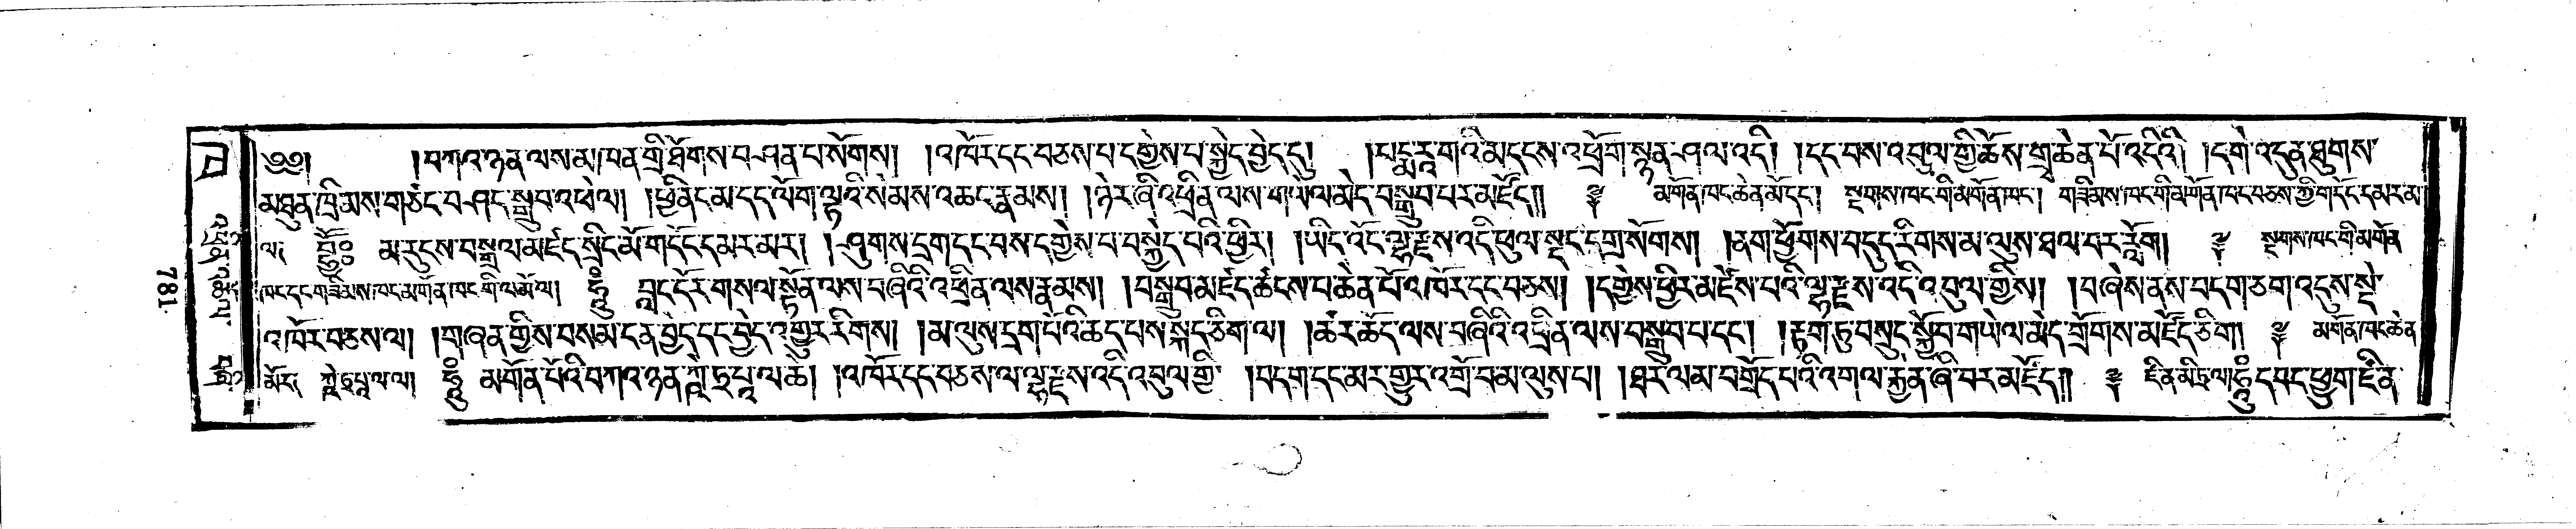༄༅། །བཀའ་ཉན་ལས་མཁན་གྲི་ཐོགས་བཤན་པ་སོགས། །འཁོར་དང་བཅས་པ་དགྱེས་པ་སྐྱེད་བྱེད་དུ། །པདམ་རཱ་གའི་མདངས་འཕྲོག་སྙན་ཤལ་འདི། །དང་བས་འབུལ་གྱི་ཆོས་གྲྭ་ཆེན་པོ་འདིའི། །དགེ་འདུན་ཐུགས་
མཐུན་ཁྲིམས་གཙང་བཤད་སྒྲུབ་འཕེལ། །ཕྱི་ནང་མ་དད་ལོག་ལྟའི་སེམས་འཆང་རྣམས། །ཉེར་ཞི་འཕྲིན་ལས་གཡེལ་མེད་བསྒྲུབ་པར་མཛོད།། ༈ མགོན་ཁང་ཆེན་མོ་དང་། སྔགས་ཁང་གི་མགོན་ཁང་། གཟིམས་ཁང་གི་མགོན་ཁང་བཅས་ཀྱི་གདོང་དམར་མ་
ལ༑ བྷྱཽཿ མ་རུངས་བསྒྲལ་མཛད་སྲིང་མོ་གདོང་དམར་མར། །ཤུགས་དྲག་དང་བས་དགྱེས་པ་བསྐྱེད་བའི་ཕྱིར། །ཡིད་འོང་ལྷ་རྫས་འདི་ཕུལ་སྡང་དགྲ་སོགས། །ནག་ཕྱོགས་བདུད་རིགས་མ་ལུས་ཐལ་བར་རློག། ༈ སྔགས་ཁང་གི་མགོན་
ཁང་དང་གཟིམས་ཁང་མགོན་ཁང་གི་ལ་མོ་ལ། ཧཱུཾ་བླང་དོར་གསལ་སྟོན་ལས་བཞིའི་འཕྲིན་ལས་རྣམས། །བསྒྲུབ་མཛད་ཚངས་བ་ཆེན་པོ་འཁོར་དང་བཅས། །དགྱེས་ཕྱིར་མཛེས་པའི་ལྷ་རྫས་འདི་འབུལ་གྱིས། །བཞེས་ནས་བདག་ཅག་འདུས་སྡེ་
འཁོར་བཅས་ལ། །གཞན་གྱིས་བསམ་ངན་བྱེད་དང་བྱེད་འགྱུར་རིགས། །མ་ལུས་དྲག་པོའི་ཆད་པས་སྐད་ཅིག་ལ། །ཚར་ཆོད་ལས་བཞིའི་འཕྲིན་ལས་བསྒྲུབ་པ་དང་། །རྟག་ཏུ་བསྲུང་སྐྱོབ་གཡེལ་མེད་གྲོགས་མཛོད་ཅིག། ༈ མགོན་ཁང་ཆེན་
མོར༑ ཀྵེ་ཏྲ་པཱ་ལ་ལ། ཧཱུཾ་མགོན་པོའི་བཀའ་ཉན་ཀྵེ་ཏྲ་པཱ་ལ་ཆེ། །འཁོར་དང་བཅས་ལ་ལྷ་རྫས་འདི་འབུལ་གྱི། །བདག་དང་མར་གྱུར་འགྲོ་བ་མ་ལུས་པ། །ཐར་ལམ་བགྲོད་པའི་འགལ་རྐྱེན་ཞི་བར་མཛོད།། ༈ ཛི་ན་མི་ཏྲ་ལ། ཧཱུཾ་དབང་ཕྱུག་ཛི་ན་